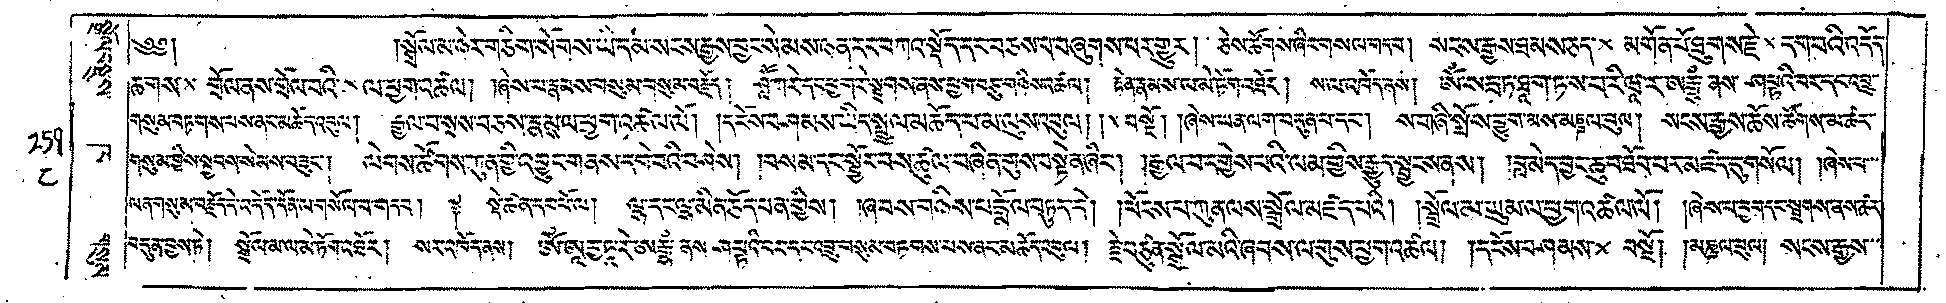༄༅། །སྒྲོལ་མ་ཉེར་གཅིག་སོགས་ཡི་དམ་སངས་རྒྱས་བྱང་སེམས་ཉན་རང་བཀའ་སྡོད་དང་བཅས་པ་བཞུགས་པར་གྱུར། ཅེས་ཚོགས་ཞིང་གསལ་གདབ།  སངས་རྒྱས་ཐམས་ཅད་྾་མགོན་པོ་ཐུགས་རྗེ་྾་དག་པའི་འདོད་
ཆགས་྾་གྲོལ་ནས་གྲོལ་བའི་྾་ལ་ཕྱག་འཚལ། །ཞེས་པ་རྣམས་གསུམ་གསུམ་བརྗོད། ཤླཽ་ཀ་རེ་དང་ཕྱག་རེ་སྦྲགས་ནས་ཕྱག་བཅུ་གཉིས་འཚལ། རྟེན་རྣམས་ལ་མེ་ཏོག་འཐོར། ས་ལ་འཁོད་ནས།  ཨོཾ་སརྦ་ཏ་ཐཱ་ག་ཏ་ས་པ་རི་ཝཱ་ར་ཨརྒྷཾ་ནས་ཤཔྟའི་བར་དང་འབྲུ་་་
གསུམ་བཏགས་པས་ནང་མཆོད་འབུལ། རྒྱལ་བ་སྲས་བཅས་རྣམས་ལ་ཕྱག་འཚལ་ལོ། །དངོས་བཤམས་ཡིད་སྤྲུལ་མཆོད་པ་མ་ལུས་འབུལ། །྾་བསྔོ། །ཞེས་ཡན་ལག་བདུན་པ་དང་།  ས་གཞི་སྤོས་བྱུག་མས་མཎྜལ་ཕུལ།  སངས་རྒྱས་ཆོས་ཚོགས་མ་ཚར་་་
གསུམ་གྱིས་སྐྱབས་སེམས་བཟུང་། ལེགས་ཚོགས་ཀུན་གྱི་འབྱུང་གནས་དགེ་བའི་བཤེས། །བསམ་དང་སྦྱོར་བས་ཚུལ་བཞིན་གུས་བསྟེན་ཞིང་། །རྒྱལ་བ་དགྱེས་པའི་ལམ་གྱིས་རྒྱུད་སྦྱངས་ནས། །བླ་མེད་བྱང་ཆུབ་ཐོབ་པར་མཛད་དུ་གསོལ། །ཞེས་པ་་་
ལན་གསུམ་བརྗོད་དེ་འདོད་དོན་ལ་གསོལ་བ་གདབ། འསྡེ་ཚན་དང་པོ་ལ།  ལྷ་དང་ལྷ་མིན་ཅོད་པན་གྱིས། །ཞབས་གཉིས་པདམོ་ལ་བཏུད་དེ། །ཕོངས་པ་ཀུན་ལས་སྒྲོལ་མཛད་པའི། །སྒྲོལ་མ་ཡུམ་ལ་ཕྱག་འཚལ་ལོ། །ཞེས་པ་ཕྱག་དང་སྦྲགས་ནས་ཚར་
བདུན་བྱས་ཏེ། སྒྲོལ་མ་ལ་མེ་ཏོག་འཐོར། སར་འཁོད་ནས། ཨོཾ་ཨཱརྱ་ཏཱ་རེ་ཨརྒྷཾ་ནས་ཤཔྟའི་བར་དང་འབྲུ་གསུམ་བཏགས་པས་ནང་མཆོད་འབུལ།  རྗེ་བཙུན་སྒྲོལ་མའི་ཞབས་ལ་གུས་ཕྱག་འཚལ། །དངོས་བཤམས་྾་བསྔོ། །མཎྜལ་ཕུལ།  སངས་རྒྱས་་་